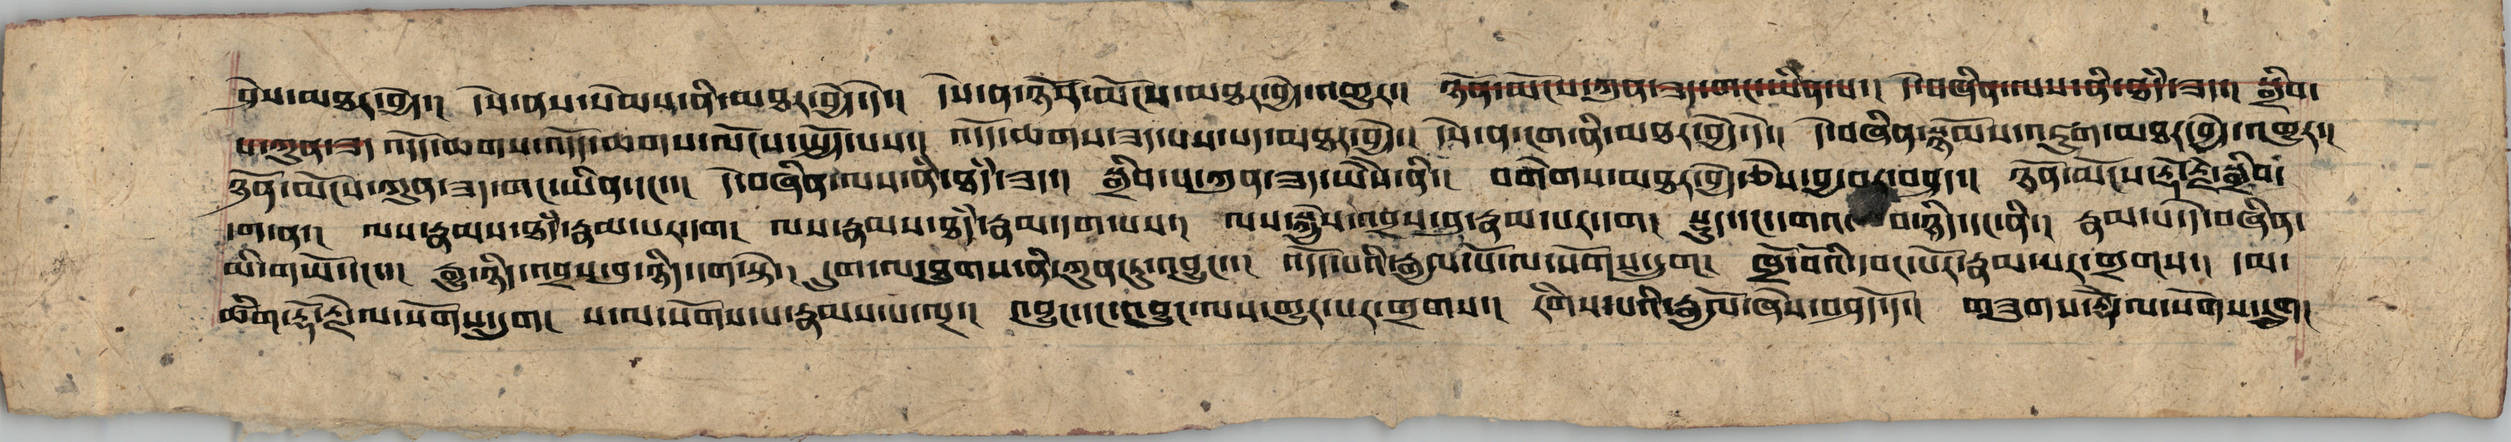ཤེས་མཐར་བྱེད་། དེས་ནས་སེམས་ནི་མཐར་བྱེད་དེ་། དེས་ན་ཉོན་མོངས་མཐར་བྱེད་འགྱུར་། ཉོན་མོངས་ཀུན་ཟད་གང་ཡིན་པ་། དེ་བཞིན་ལས་ནི་ཐཾད་ཟད་། སྒྲིབ་
པ་ཀུན་ཟད འདོད་ཆགས་འདོད་ཆགས་ལོངས་སྤྱོད་པས་། འདོད་ཆགས་ཟད་པས་པད་མཐར་བྱེད་། དེས་ན་ངག་ནི་མཐར་བྱེད་དེ་། དེ་བཞིན་སྙོམས་འཇུག་མཐར་བྱེད་འགྱུར་།
ཉོན་མོངས་ཀུན་ཟད་གང་ཡིན་དང་་། དེ་བཞིན་ལས་ནི་ཐཾད་ཟད་། སྒྲིབ་པ་ཀུན་ཟད་ཡཻས་ནི་། བགེགས་མཐར་བྱེད་ཅེས་བྱ་བར་བཤད་། ཉོན་མོངས་རྡོ་རྗེ་སྒྲིབ་
དག་ན་། ལས་རྣམས་ཐཾད་རྣམ་པར་དག། ལས་རྣམས་ཐཾད་རྣམ་དག་པས་། ལས་སྐྱེས་འབྲས་བུ་རྣམ་པར་དག། སྡུད་དང་དགའ་ བ་ཉིད་དང་ནི་། རྣམ་པ་དེ་བཞིན་
མི་གཡོ་དང་་། རྒྱུ་ཉིད་འབྲས་བུ་ཉིད་དག་སྟེ་། དྲུག་ལ་ཐུགས་ནི་ཀུན་ཏུ་འབྱུང་་། འདོད་པའི་རྒྱལ་པོ་ལ་སོགས་དྲུག། ཁྲོ་བོའི་དབང་པོར་རྣམ་པར་གྲགས་། དམ་
ཚིག་རྡོ་རྗེ་ལ་སོགས་དྲུག། ས་ལ་སོགས་པ་རྣམས་པ་ལྔ་། འབྱུང་དང་འབྱུང་ལས་གྱུར་པར་གྲགས་། རིགས་པའི་རྒྱལོ་ཞེས་བཤད་དོ་། གཟུགས་རྡོེ་ལ་སོགས་དྲུག།